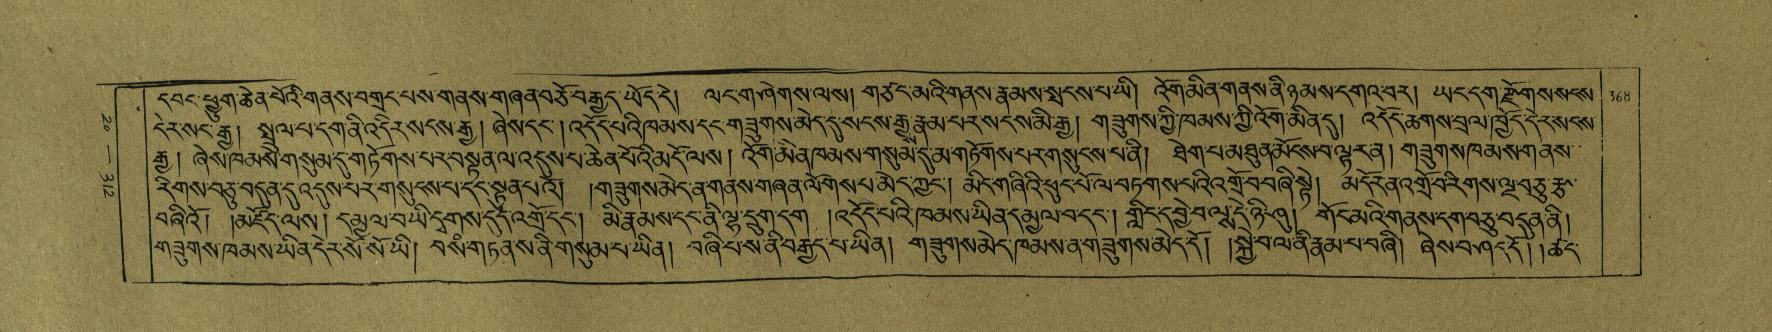དབང་ཕྱུག་ཆེན་པོའི་གནས་བགྲང་པས་གནས་གཞན་བཅོ་བརྒྱད་ཡོད་དེ། ལང་གཤེགས་ལས། གཙང་མའི་གནས་རྣམས་སྤངས་པ་ཡི། འོག་མིན་གནས་ནི་ཉམས་དགའ་བར། ཡང་དག་རྫོགས་སངས་
དེར་སང་རྒྱ། སྤྲུལ་པ་དག་ནི་འདིར་སངས་རྒྱ། ཞེས་དང་། འདོད་པའི་ཁམས་དང་གཟུགས་མེད་དུ་སངས་རྒྱས་རྣམ་པར་སངས་མི་རྒྱ། གཟུགས་ཀྱི་ཁམས་ཀྱི་འོག་མིན་དུ། འདོད་ཆགས་བྲལ་ཁྱོད་དེར་སངས་
རྒྱ། ཞེས་ཁམས་གསུམ་དུ་གཏོགས་པར་བསྟན་ལ་འདུས་པ་ཆེན་པོའི་མདོ་ལས། འོག་མིན་ཁམས་གསུམ་དུ་མ་གཏོགས་པར་གསུངས་པ་ནི། ཐེག་པ་མཐུན་མོངས་བ་ལྟར་ན། གཟུགས་ཁམས་གནས་
རིགས་བཅུ་བདུན་དུ་འདུས་པར་གསུངས་པ་དང་སྟུན་པའོ། །གཟུགས་མེད་ན་གནས་གཞན་ལོགས་པ་མེད་ཀྱང་། མིང་གཞིའི་ཕུང་པོ་ལ་བཏགས་པའི་འགྲོ་བ་བཞི་སྟེ། མདོར་ན་འགྲོ་བ་རིགས་ལྔ་བཅུ་རྩ་
བཞིའོ། །མཛོད་ལས། དམྱལ་བ་ཡི་དྭགས་དུད་འགྲོ་དང་། མི་རྣམས་དང་ནི་ལྷ་དྲུག་དག །འདོད་པའི་ཁམས་ཡིན་དམྱལ་བ་དང་། གླིང་དབྱེ་བ་ལས་དེ་ཉི་ཤུ། གོང་མའི་གནས་དག་བཅུ་བདུན་ནི།
གཟུགས་ཁམས་ཡིན་དེར་སོ་སོ་ཡི། བསཾ་གཏན་ས་ནི་གསུམ་པ་ཡིན། བཞི་པ་ས་ནི་བརྒྱད་པ་ཡིན། གཟུགས་མེད་ཁམས་ན་གཟུགས་མེད་དོ། །སྐྱེ་བ་ལ་ནི་རྣམ་པ་བཞི། ཞེས་བཤད་དོ། །ཚད་